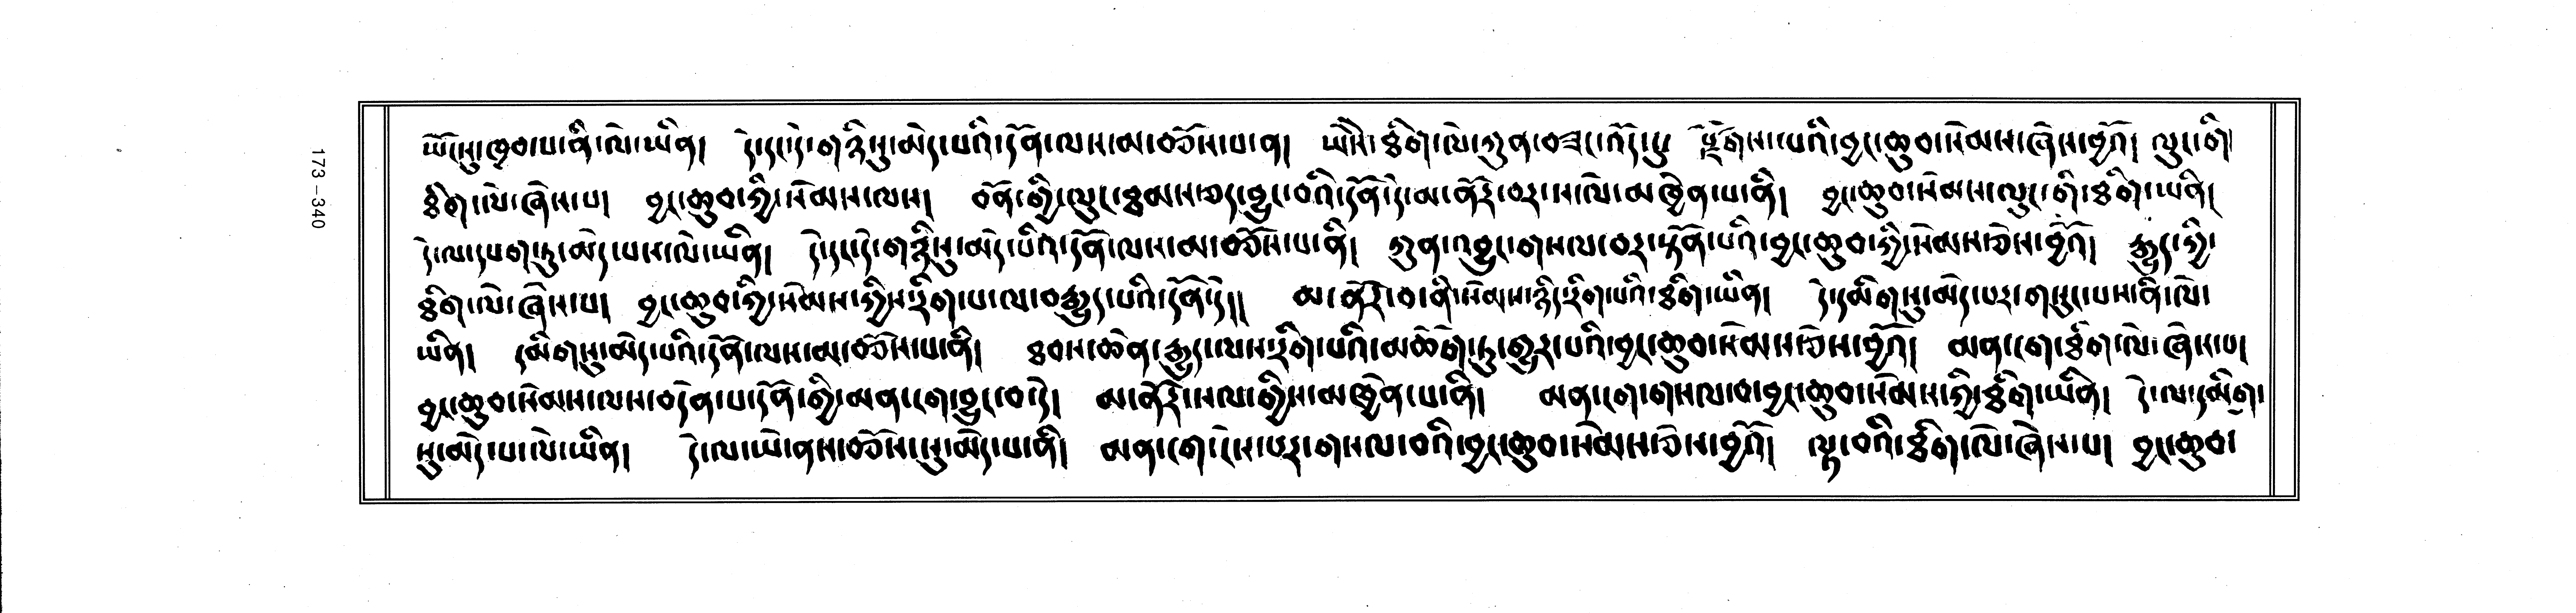ཡོངས་སུ་ཁྱབ་པ་ནི་ལེ་ཡིན། དེ་དང་དེ་གཉིས་སུ་མེད་པའི་དོན་ལ་མ་བཅོས་པ་ནི། ཡེ་ཤེས་ཐིག་ལེ་ཀུན་བཟང་འོད་དུ། རྫོགས་པའི་བྱང་ཆུབ་སེམས་ཞེས་བྱའོ། །ལུང་གི་
ཐིག་ལེ་ཞེས་པ། བྱང་ཆུབ་ཀྱི་སེམས་ལས། བོན་གྱི་ལུང་ཐམས་ཅད་བྱུང་བའི་དོན་དེ་མ་ནོར་བར་སལེ་མཁྱེན་པ་ནི། བྱང་ཆུབ་སེམས་ལུང་གི་ཐིག་ལེ་ཡིན། 
དེ་ལ་དཔག་ཏུ་མེད་པས་ལེ་ཡིན། དེ་དང་དེ་གཉིས་སུ་མེད་པའི་དོན་ལ་མ་བཅོས་པ་ནི། ཀུན་འབྱུང་གསལ་བར་སྟོན་པའི་བྱང་ཆུབ་སེམས་ཅེས་བྱའོ། །རྒྱུད་ཀྱི་
ཐིག་ལེ་ཞེས་པ། བྱང་ཆུབ་ཀྱི་སེམས་ཀྱིས་རིག་པ་ལ་བརྒྱུད་པའི་དོན་དེ། མ་ནོར་བ་ནི་སེམས་ཉིད་རིག་པའི་ཐིག་ཡིན། དེ་དམིགས་སུ་མེད་པར་གསུངས་པས་ནི་ལེ་
ཡིན། དམིགས་སུ་མེད་པའི་དོན་ལས་མ་བཅོས་པ་ནི། ཐབས་ཆེན་རྒྱུད་ལས་རིག་པའི་མཆོག་ཏུ་གྱུར་པའི་བྱང་ཆུབ་སེམས་ཞེས་བྱའོ། །མན་ངག་ཐིག་ལེ་ཞེས་པ། 
བྱང་ཆུབ་སེམས་ལས་བདེན་པ་་དོན་གྱི་མན་ངག་བྱུང་བ་དེ། མ་ནོར་སལ་གྱིས་མཁྱེན་པ་ནི། མན་ངག་གསལ་བ་བྱང་ཆུབ་སེམས་ཀྱི་ཐིག་ཡིན། དེ་ལ་དམིགས་
སུ་མེད་པ་ལེ་ཡིན། དེ་ལ་ཡེ་ནས་བཅོས་སུ་མེད་པ་ནི། མན་ངག་ངེས་པར་གསལ་བའི་བྱང་ཆུབ་སེམས་ཅེས་བྱའོ། །ལྟ་བའི་ཐིག་ལེ་ཞེས་པ། བྱང་ཆུབ་